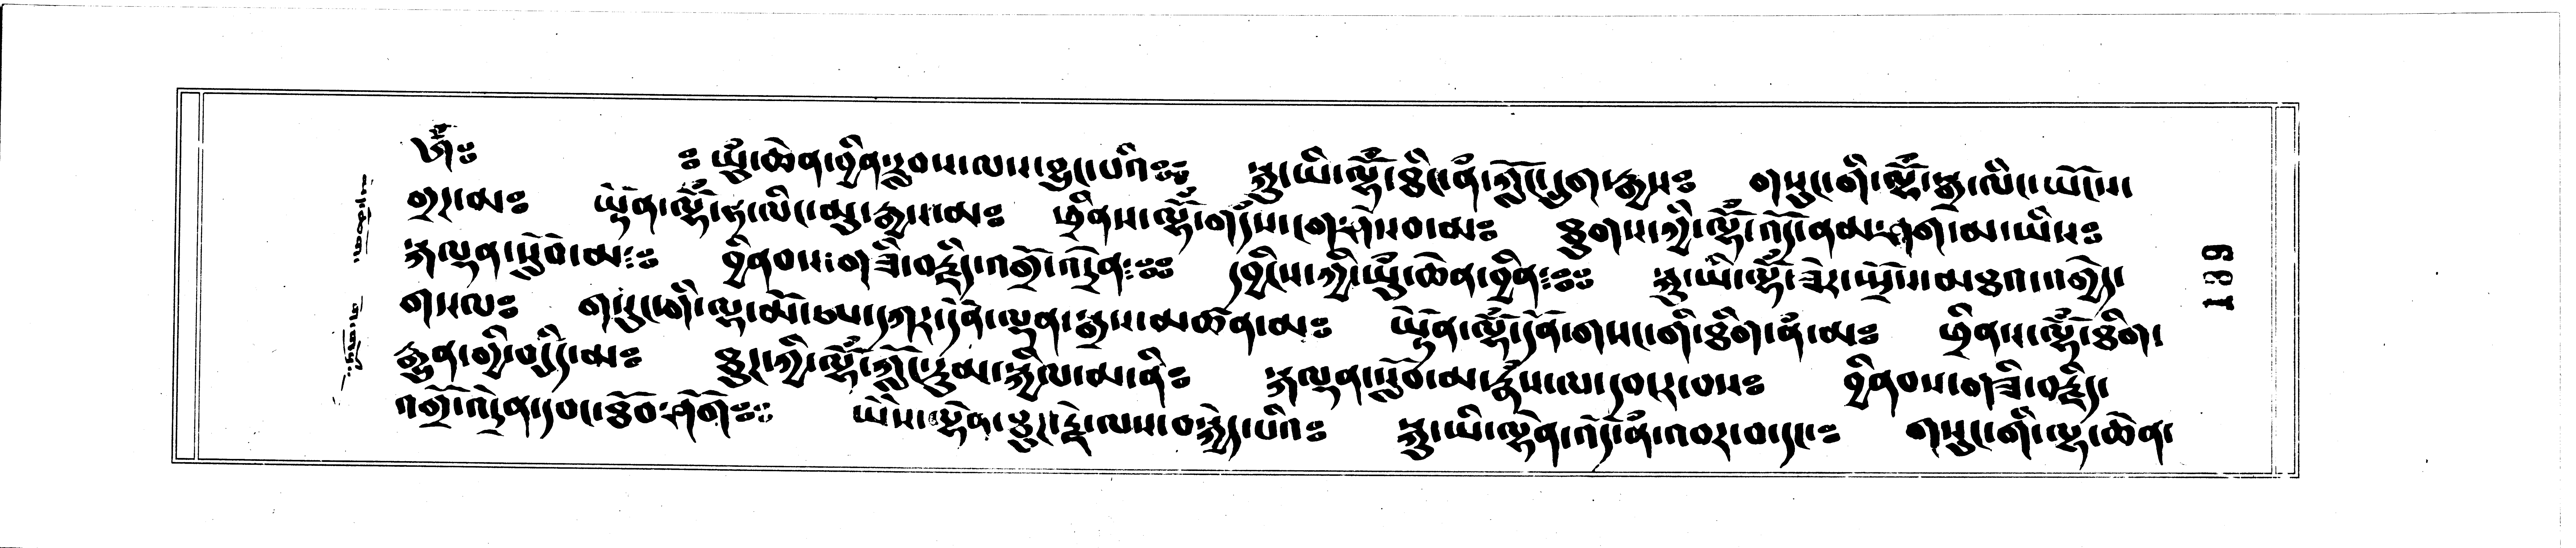ཡུམ་ཆེན་བྱིན་རླབས་ལས་བྱུང་བའིཿ སྐུ་ཡི་ལྷ་མོ་ཐིག་ནམ་ཀློང་དྲུང་རྒྱསཿ གསུང་གི་ལྷ་མོ་སྒྲ་གླིང་ཡོངས་
གྲགས་འོདཿ ཡོན་ཏན་གྱི་ལྷ་མོ་ཧ་ལིང་མུ་རྒྱས་མཿ ཕྲིན་ལས་ཀྱི་ལྷ་མོ་གདམས་ངག་ཤེས་རབ་མཿ ཐུགས་ཀྱི་ལྷ་མོ་འོད་ནམ་ཤག་མ་ཡིསཿ 
སྐལ་ལྡན་སློབ་མ་རྣམས་ལ་དབང་བསྐུར་བསཿ བྱིན་རླབས་གཟི་བརྗིད་འགྲོ་འདྲེན་དབང་ཐོབ་ཤོགཿ དབྱིངས་ཀྱི་ཡུམ་ཆེན་བྱིན་རླབས་ལས་བྱུང་བའིཿ སྐུ་ཡི་ལྷ་མོ་ཟེར་སྤྲོས་མཐའ་འགྱེད་
གསལཿ གསུང་གི་ལྷ་མོ་ཨ་དཀར་དོན་ལྡན་སྒྲ་མཚོན་མཿ ཡོན་ཏན་ལྷ་མོ་དོན་གསང་གི་ཐིག་ནམ་མཿ ཕྲིན་ལས་ཀྱི་ལྷ་མོ་ཐིག་
རྒྱུན་བདུད་རྩི་མཿ ཐུགས་ཀྱི་ལྷ་མོ་ཀློང་རུམ་སྐྱིལ་མ་ཡིསཿ སྐལ་ལྡན་སློབ་མ་རྣམས་ལ་དབང་བསྐུར་བསཿ བྱིན་རླབས་གཟི་བརྗིད་
འགྲོ་འདྲེན་དབང་ཐོབ་ཤོགཿ ཡེ་ཤེས་ལྷ་ཆེན་ཐུགས་རྗེ་ལས་བསྐྱེད་པའིཿ སྐུ་ཡི་ལྷ་ཆེན་འོད་ནམ་འབར་བ་དངཿ གསུང་གི་ལྷ་ཆེན་